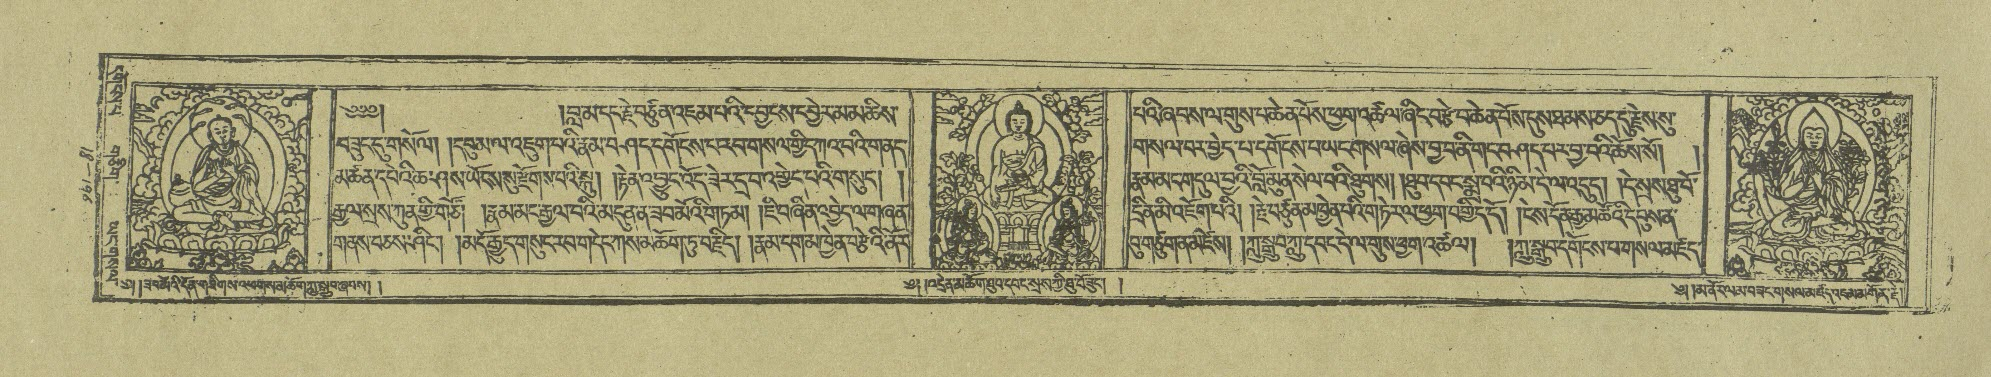༄༅། །བླ་མ་དང་རྗེ་བཙུན་འཇམ་པའི་དབྱངས་དབྱེར་མ་མཆིས་པའི་ཞབས་ལ་གུས་པ་ཆེན་པོས་ཕྱག་འཚལ་ཞིང་བརྩེ་བ་ཆེན་བོས་དུས་ཐམས་ཅད་དུ་རྗེས་སུ་
བཟུང་དུ་གསོལ། །དབུ་མ་ལ་འཇུག་པའི་རྣམ་བཤད་དགོངས་པ་རབ་གསལ་གྱི་དཀའ་བའི་གནད་གསལ་བར་བྱེད་པ་དགོངས་པ་ཡང་གསལ་ཞེས་བྱ་བ་ནི་གང་བཤད་པར་བྱ་བའི་ཆོས་སོ། །
མཚན་དཔེའི་ཆ་ཤས་ཡོངས་སུ་རྫོགས་པའི་སྐུ། །རྟེན་འབྱུང་འོད་ཟེར་དྲ་བ་འགྱེད་པའི་གསུང་། །རྣམ་མང་གདུལ་བྱའི་བློ་མུན་སེལ་བའི་ཐུགས། །ཐུབ་དབང་སྨྲ་བའི་ཉི་མ་དེ་ལ་འདུད། །དེ་སྲས་ཐུ་བོ་
རྒྱལ་སྲས་ཀུན་གྱི་གཙོ། །རྣམ་མང་རྒྱལ་བའི་མདུན་ན་ཟབ་མོའི་གཏམ། །ཇི་བཞིན་འབྱེད་ལ་གཞན་དྲིན་མི་འཇོག་པའི། །རྗེ་བཙུན་མཁྱེན་པའི་གཏེར་ལ་ཕྱག་བགྱིད་དོ། །ངེས་དོན་རྒྱ་མཚོའི་དབུས་ན་
གནས་བཅས་ཤིང་། །མདོ་རྒྱུད་གསུང་རབ་གདེང་ཀས་མཆོག་ཏུ་བརྗིད། །རྣམ་དག་མཁྱེན་བརྩེའི་ནོར་བུ་གཙུག་ན་མཛེས། །ཀླུ་སྒྲུབ་ཀླུ་དབང་དེ་ལ་གུས་ཕྱག་འཚལ། །ཀླུ་སྒྲུབ་དགོངས་པ་གསལ་མཛད་